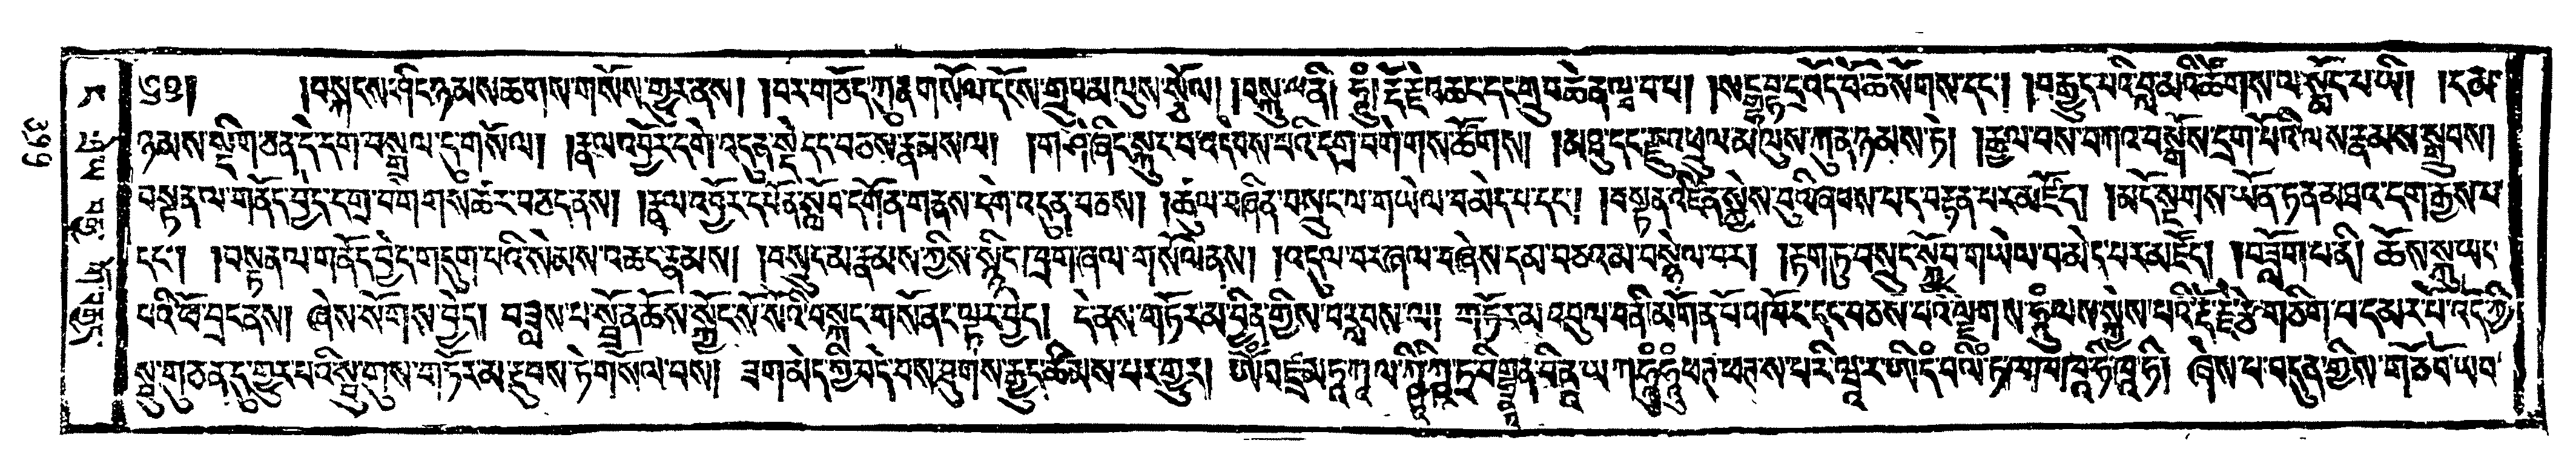༄༅། །བསྐངས་ཤིང་ཉམས་ཆགས་གསོས་གྱུར་ནས། །བར་གཅོད་ཀུན་གསོལ་དངོས་གྲུབ་མ་ལུས་སྩོལ། །བསྐུ་ལ་ནི། ཧཱུཾ། རྡོ་རྗེ་འཆང་དང་གྲུབ་ཆེན་ལྭ་བ་པ། །སངྒྷ་བྷ་དྲ་འོད་བོ་ཆེ་སོགས་དང་། །བརྒྱུད་པའི་བླ་མའི་ཚོགས་ལ་སྨོང་པ་ཡི། །དམ་
ཉམས་སྡིག་ཅན་དེ་དག་བསྒྲལ་དུ་གསོལ། །རྣལ་འབྱོར་དགེ་འདུན་སྡེ་དང་བཅས་རྣམས་ལ། །གཤེ་ཞིང་སྐུར་བ་འདེབས་པའི་དགྲ་བགེགས་ཚོགས། །མཐུ་དང་རྫུ་འཕྲུལ་མ་ལུས་ཀུན་ཉམས་ཏེ། །རྒྱལ་བས་བཀའ་བསོགས་དྲག་པོའི་ལས་རྣམས་སྒྲུབས།
བསྟན་ལ་གནོད་བྱེད་དགྲ་བགེགས་ཚར་བཅད་ནས། །རྣལ་འབྱོར་དཔོན་སློབ་དགོན་གནས་དགེ་འདུན་བཅས། །ཚུལ་བཞིན་བསྲུང་ལ་གཡེལ་བ་མེད་པ་དང་། །བསྟན་འཛིན་སྐྱེས་བུའི་ཞབས་པད་བརྟན་པར་མཛོད། །མདོ་སྔགས་ཡོན་ཏན་མཐའ་དག་རྒྱས་པ་
དང་། །བསྟན་ལ་གནོད་བྱེད་གདུག་པའི་སེམས་འཆང་རྣམས། །བསྲུང་མ་རྣམས་ཀྱིས་སྙིང་ཁྲག་ཞལ་གསོལ་ནས། །འདུལ་བར་ཞལ་བཞེས་དམ་བཅའ་མ་བསྙེལ་བར། །རྟག་ཏུ་བསྲུང་སྐྱོབ་གཡེལ་བ་མེད་པར་མཛོད། །བཟློག་པ་ནི། ཆོས་སྐུ་ཡང་
པའི་ཕོ་བྲང་ནས། ཞེས་སོགས་བྱེད། བཟླས་པ་སྦྲོ་ན་ཆོས་སྐྱོང་སོ་སོའི་བསྐང་གསོ་ནང་ལྟར་བྱེད། དེ་ནས་གཏོར་མ་བྱིན་གྱིས་བ་རླབས་ལ། གཏོར་མ་འབུལ་བ་ནི་མགོན་པོ་འཁོར་དང་བཅས་པའི་ལྗགས་ཧཱུཾ་ལས་སྐྱེས་པའི་རྡོ་རྗེ་རྩེ་གཅིག་པ་དམར་པོ་འོད་ཀྱི་
སྦུ་གུ་ཅན་དུ་གྱུར་པའི་སྤུ་གུས་གཏོར་མ་རྡུབས་ཏེ་གསོལ་བས། ཟག་མེད་ཀྱི་བདེ་བས་ཐུགས་རྒྱུད་ཚིམས་པར་གྱུར། ཨོཾ་བཛྲ་མྷཱ་ཀཱ་ལ་ཀྵཱི་ཀྵི་ཏྲ་བིགྷྣཱན་བི་ནཱ་ཡ་ཀ་ཧཱུཾ་ཧཱུཾ་ཕཊ་ཕཊ་ས་པ་རི་ཝཱ་ར་ཨི་དཾ་བ་ལིཾ་ཏ་ཁ་ཁ་ཁཱ་ཧི་ཁཱ་ཧི། ཞེས་པ་བདུན་གྱིས་གཅོ་བོ་ཡབ་